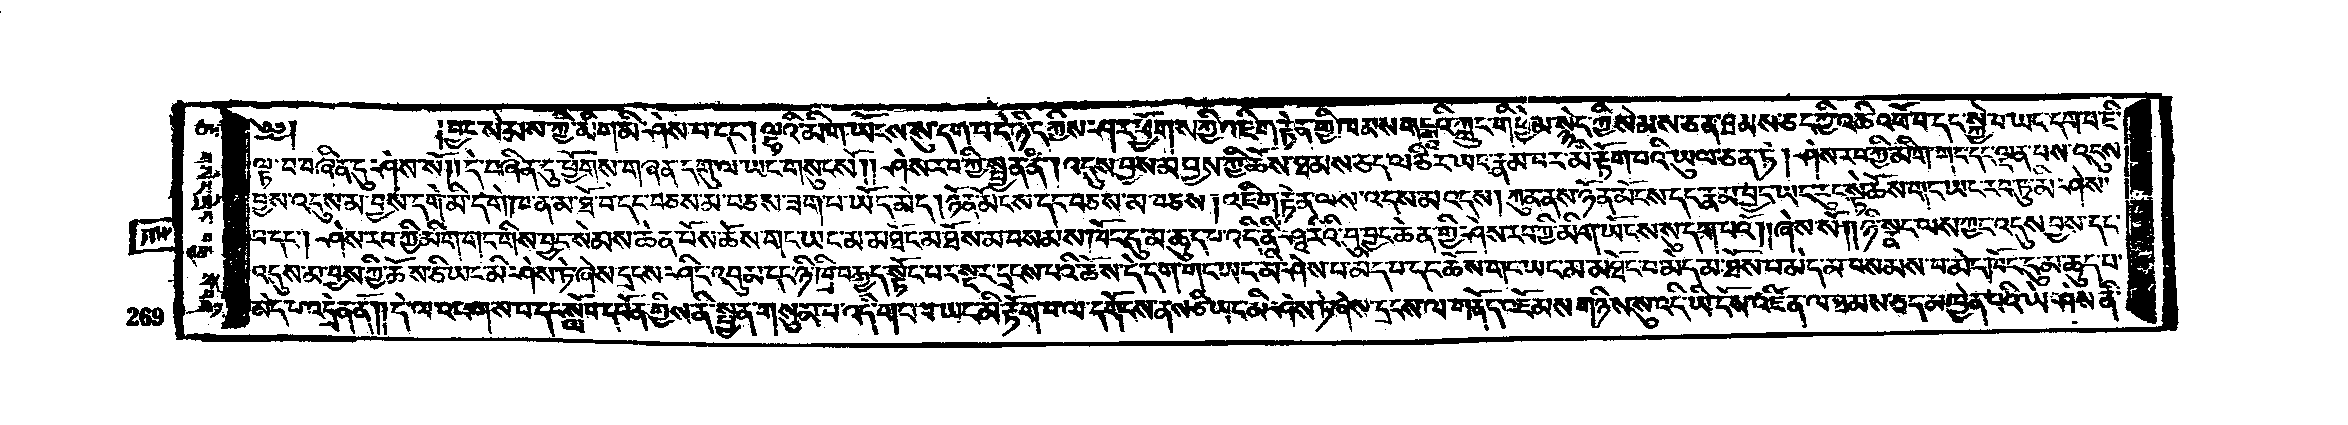༄༅། །བྱང་སེམས་ཀྱི་མིག་མི་ཤེས་པ་དང་། ལྷའི་མིག་ཡོངས་སུ་དག་པ་དེ་ཉིད་ཀྱིས་ཤར་ཕྱོགས་ཀྱི་འཇིག་རྟེན་གྱི་ཁམས་གངཱའི་ཀླུང་གི་བྱེ་མ་སྙེད་ཀྱི་སེམས་ཅན་ཐམས་ཅད་ཀྱི་འཆི་འཕོ་བ་དང་སྐྱེ་བ་ཡང་དག་པ་ཇི་
ལྟ་བ་བཞིན་དུ་ཤེས་སོ། །དེ་བཞིན་དུ་ཕྱོགས་གཞན་དགུ་ལ་ཡང་གསུངས་སོ། །ཤེས་རབ་ཀྱི་སྤྱན་ནི། འདུས་བྱས་མ་བྱས་ཀྱི་ཆོས་ཐམས་ཅད་ལ་ཅིར་ཡང་རྣམ་པར་མི་རྟོག་པའི་ཡུལ་ཅན་ཏེ། ཤེས་རབ་ཀྱི་མིག་གང་དང་ལྡན་པས་འདུས་
བྱས་འདུས་མ་བྱས་དགེ་མི་དགེ་ཁ་ན་མ་ཐོ་བ་དང་བཅས་མ་བཅས་ཟག་པ་ཡོད་མེད། ཉོན་མོངས་དང་བཅས་མ་བཅས། འཇིག་རྟེན་ལས་འདས་མ་འདས། ཀུན་ནས་ཉོན་མོངས་དང་རྣམ་བྱང་ཡང་རུང་སྟེ་ཆོས་གང་ཡང་རབ་ཏུ་མི་ཤེས་
པ་དང་། ཤེས་རབ་ཀྱི་མིག་གང་གིས་བྱང་སེམས་ཆེན་པོས་ཆོས་གང་ཡང་མ་མཐོང་མ་ཐོས་མ་བསམས་ཁོང་དུ་མ་ཆུད་པ་འདི་ནི་ཤཱ་རིའི་བུ་བྱང་ཆེན་གྱི་ཤེས་རབ་ཀྱི་མིག་ཡོངས་སུ་དག་པའོ། །ཞེས་སོ། །ཉི་སྣང་ལས་ཀྱང་འདུས་བྱས་དང་
འདུས་མ་བྱས་ཀྱི་ཆོས་ཅི་ཡང་མི་ཤེས་ཏེ་ཞེས་དྲངས་ཤིང་འབུམ་དང་ཉི་ཁྲི་བརྒྱད་སྟོང་པར་སྔར་དྲངས་པའི་ཆོས་དེ་དག་གང་ཡང་མི་ཤེས་པ་མེད་པ་དང་ཆོས་གང་ཡང་མ་མཐོང་བ་མེད་མ་ཐོས་པ་མེད་མ་བསམས་པ་མེད་ཁོང་དུ་མ་ཆུད་པ་
མེད་པ་འདྲེན་ནོ། །དེ་ལ་འཕགས་པ་དང་སློབ་དཔོན་གྱིས་ནི་སྤྱན་གསུམ་པ་འདི་གང་ལ་ཡང་མི་རྟོག་པ་ལ་དགོངས་ནས་ཅི་ཡང་མི་ཤེས་ཏེ་ཞེས་དྲངས་ལ་གནོད་འཇོམས་གཉིས་སུ་འདི་ཡི་ངོས་འཛིན་ལ་ཐམས་ཅད་མཁྱེན་པའི་ཡེ་ཤེས་ནི་